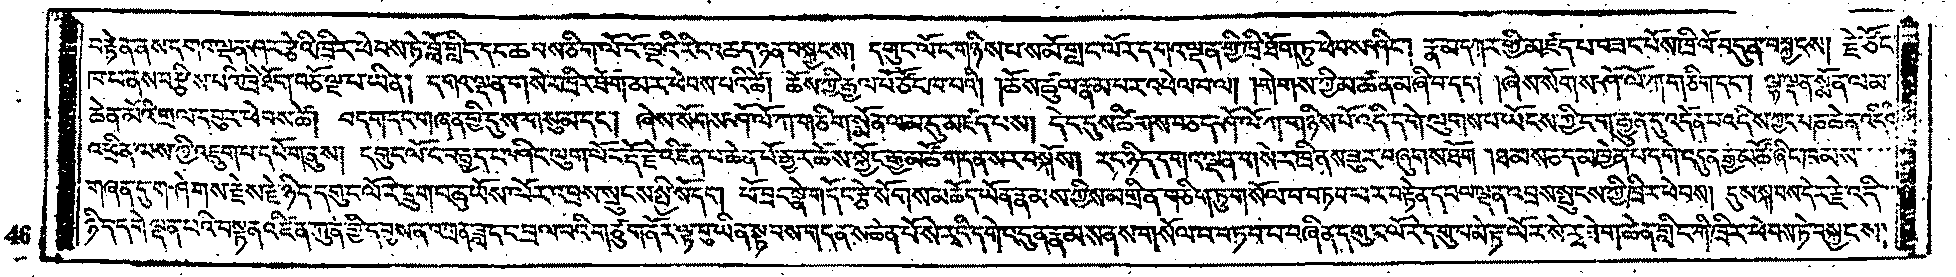བརྟེན་ནས་དགའ་ལྡན་ཤར་རྩེའི་ཁྲིར་ཕེབས་ཏེ་བློ་གླིང་དང་ཆབས་ཅིག་ལོ་ངོ་ལྔའི་རིང་འཆད་ཉན་བསྐྱངས། དགུང་ལོ་ང་གཉིས་པ་ས་མོ་གླང་ལོར་དགའ་ལྡན་གྱི་ཁྲི་ཐོག་ཏུ་ཕེབས་ཤིང་། རྣམ་དཀར་གྱི་མཛད་པ་བཟང་པོས་ཁྲི་ལོ་བདུན་བསྐྱངས། རྗེ་ཙོང་
ཁ་པ་ནས་བརྩིས་པའི་ཁྲི་ཐོག་བཅོ་ལྔ་པ་ཡིན། དགའ་ལྡན་གསེར་ཁྲིར་ཐོག་མར་ཕེབས་པའི་ཚེ། ཆོས་ཀྱི་རྒྱལ་པོ་ཙོང་ཁ་པའི། །ཆོས་ཚུལ་རྣམ་པར་འཕེལ་བ་ལ། །གེགས་ཀྱི་མཚན་མ་ཞི་བ་དང་། །ཞེས་སོགས་ཤོ་ལོ་ཀ་གཅིག་དང་། ལྷ་ལྡན་སྨོན་ལམ་
ཆེན་མོའི་གྲལ་དབུར་ཕེབས་ཚེ། བདག་དང་གཞན་གྱི་དུས་གསུམ་དང་། ཞེས་སོགས་ཤོ་ལོ་ཀ་གཅིག་སྨོན་ལམ་དུ་མཛད་པས། དེང་དུས་ཚིགས་བཅད་ཤོ་ལོ་ཀ་གཉིས་པོ་འདི་དགེ་ལུགས་པ་ཡོངས་ཀྱི་ངག་རྒྱུན་དུ་འདོན་པ་འདིས་ཀྱང་པཎ་ཆེན་འདིའི་
འཕྲིན་ལས་ཀྱི་འཇུག་པ་དཔོག་ནུས། དགུང་ལོ་ང་བརྒྱད་པ་ཤིང་ལུག་ལོར་རྡོ་རྗེ་འཛིན་པ་ཆེན་པོ་རྒྱ་ར་ཆོས་སྐྱོང་རྒྱ་མཚོ་གདན་སར་བསྐོས། རང་ཉིད་དགའ་ལྡན་གསེར་ཁྲི་ནས་ཟུར་བཞུགས་ཐོག །ཐམས་ཅད་མཁྱེན་པ་དགེ་འདུན་རྒྱ་མཚོ་ཞིང་ཁམས་
གཞན་དུ་གཤེགས་རྗེས་རྗེ་ཉིད་དགུང་ལོ་རེ་དྲུག་པ་ཆུ་ཡོས་ལོར་འབྲས་སྲུངས་སྤྱི་སོ་དང་། ཕོ་བྲང་སྣེ་གདོང་རྩེ་སོགས་མཆོད་ཡོན་རྣམས་ཀྱིས་མགྲིན་གཅིག་ཏུ་གསོལ་བ་བཏབ་པར་བརྟེན་དཔལ་ལྡན་འབྲས་སྤུངས་ཀྱི་ཁྲིར་ཕེབས། དུས་སྐབས་དེར་རྗེ་འདི་
ཉིད་དགེ་ལྡན་པའི་བསྟན་འཛིན་ཀུན་གྱི་དབུས་ན་འགྲན་ཟླ་དང་བྲལ་བའི་གཙུག་ནོར་ལྟ་བུ་ཡིན་སྟབས་གདན་ས་ཆེན་པོ་སེ་རྭའི་དགེ་འདུན་རྣམས་ནས་གསོལ་བ་བཏབ་པ་བཞིན་དགུང་ལོ་རེ་དགུ་པ་མེ་རྟ་ལོར་སེ་རྭ་ཐེག་ཆེན་གླིང་གི་ཁྲིར་ཕེབས་ཏེ་བསྐྱངས།